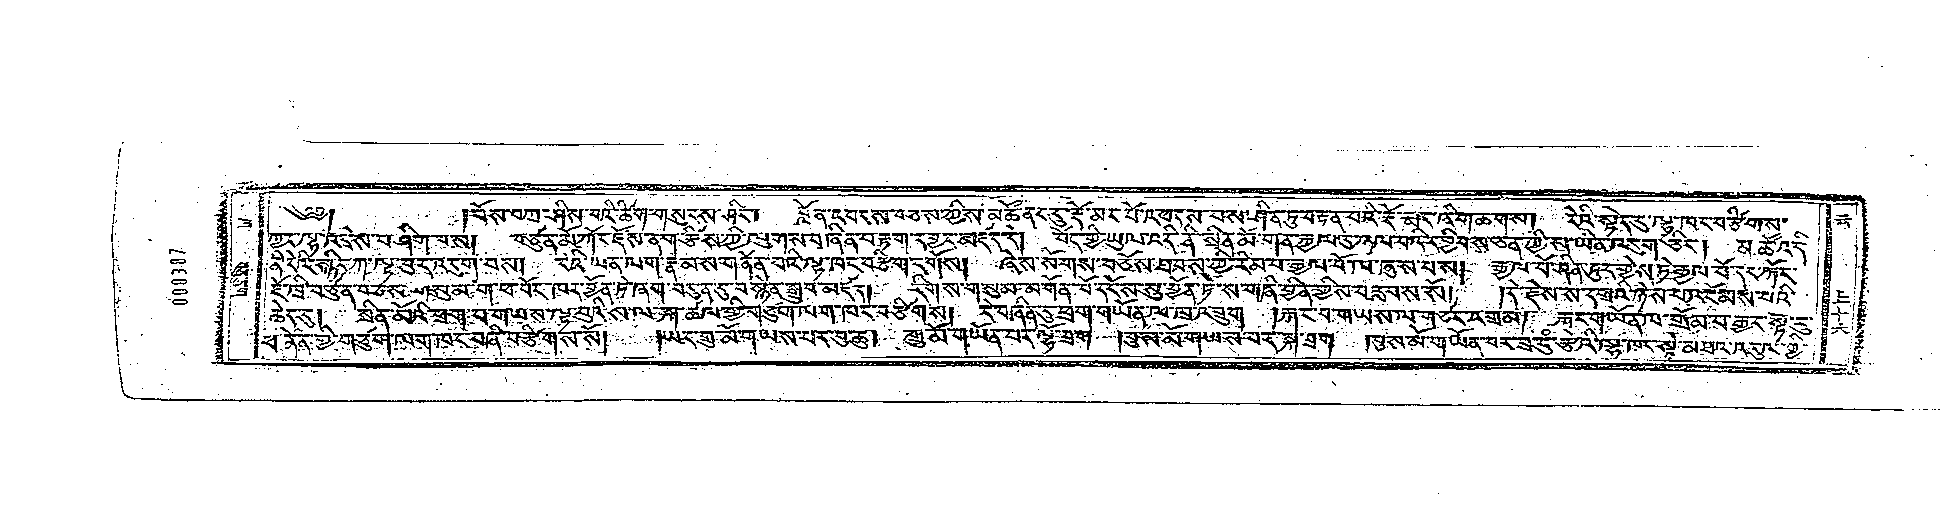༄༅། །བོས་བཀྲ་ཤིས་བའི་ཚིག་གསུངས་ཤིང་། བློན་འབངས་བཅས་ཀྱིས་མཚོ་ནང་དུ་རྡོ་མང་པོ་འཕངས་པས་ཤིན་ཏུ་བརྟན་པའི་རྡོ་རྨང་ཞིག་ཆགས། དེའི་སྟེང་དུ་ལྷ་ཁང་བརྩིགས་
ཀྱང་ལྷ་འདྲེས་བཤིག་པས། བཙུན་མོ་ཀོང་ཇོས་ནག་རྩིས་ཀྱི་ལུགས་བཞིན་བརྟག་དཔྱད་མཛད་དེ། བོད་གྱི་ཡུལ་འདི་ནི་སྲིན་མོ་གན་རྒྱལ་དུ་ཉལ་བའི་དབྱིབས་ཅན་ཀྱིས་ཡིན་འདུག་ཅིང་། མཚོ་འདི་ནི་དེའི་སྙིང་ཀ་ལྟ་བུར་འདུག་བས། དེའི་ཡན་ལག་རྣམས་གནོན་པའི་ལྷ་ཁང་བརྩིག་དགོས། ཞེས་སོགས་བཅོས་ཐབས་ཀྱི་རིམ་པ་རྒྱལ་པོ་ལ་ཞུས་པས། རྒྱལ་པོ་ཤིན་ཏུ་དགྱེས་ཏེ་རྒྱལ་པོ་དང་ཀོང་
ཇོ་ཁྲི་བཙུན་བཅས་གསུམ་ག་ཕ་བོང་ཁར་བྱོན་ཏེ་ཞག་བདུན་དུ་བསྙེན་སྒྲུབ་མཛད། རིགས་གསུམ་མགོན་པོ་དངོས་སུ་བྱོན་ཏེ་ས་གཞི་བྱིན་གྱིས་བརླབས་སོ། །དེ་རྗེས་ས་དགྲའི་ཉེས་པ་འཇོམས་པའི་
ཆེད་དུ། སྲིན་མོའི་ཕྲག་པ་གཡས་ལྟ་བུའི་ས་ལ་སྐ་ཚལ་གྱི་གཙུག་ལག་ཁང་བརྩིགས། དེ་བཞིན་དུ་ཕྲག་གཡོན་ལ་ཁྲ་འབྲུག །རྐང་པ་གཡས་ལ་གཙང་འགྲམ། རྐང་གཡོན་ལ་གྲོམ་པ་རྒྱང་སྟེ་རུ་
གནོན་གྱི་གཙུག་ལག་ཁང་བཞི་བརྩིགས་སོ། །ཡང་གྲུ་མོ་གཡས་པར་བུ་ཆུ། གྲུ་མོ་གཡོན་པར་ལྷོ་བྲག །པུས་མོ་གཡས་པར་སྐ་བྲག །པུས་མོ་གཡོན་བར་བྲ་དུཾ་རྩེའི་ལྷ་ཁང་སྟེ་མཐའ་འདུལ་གྱི་